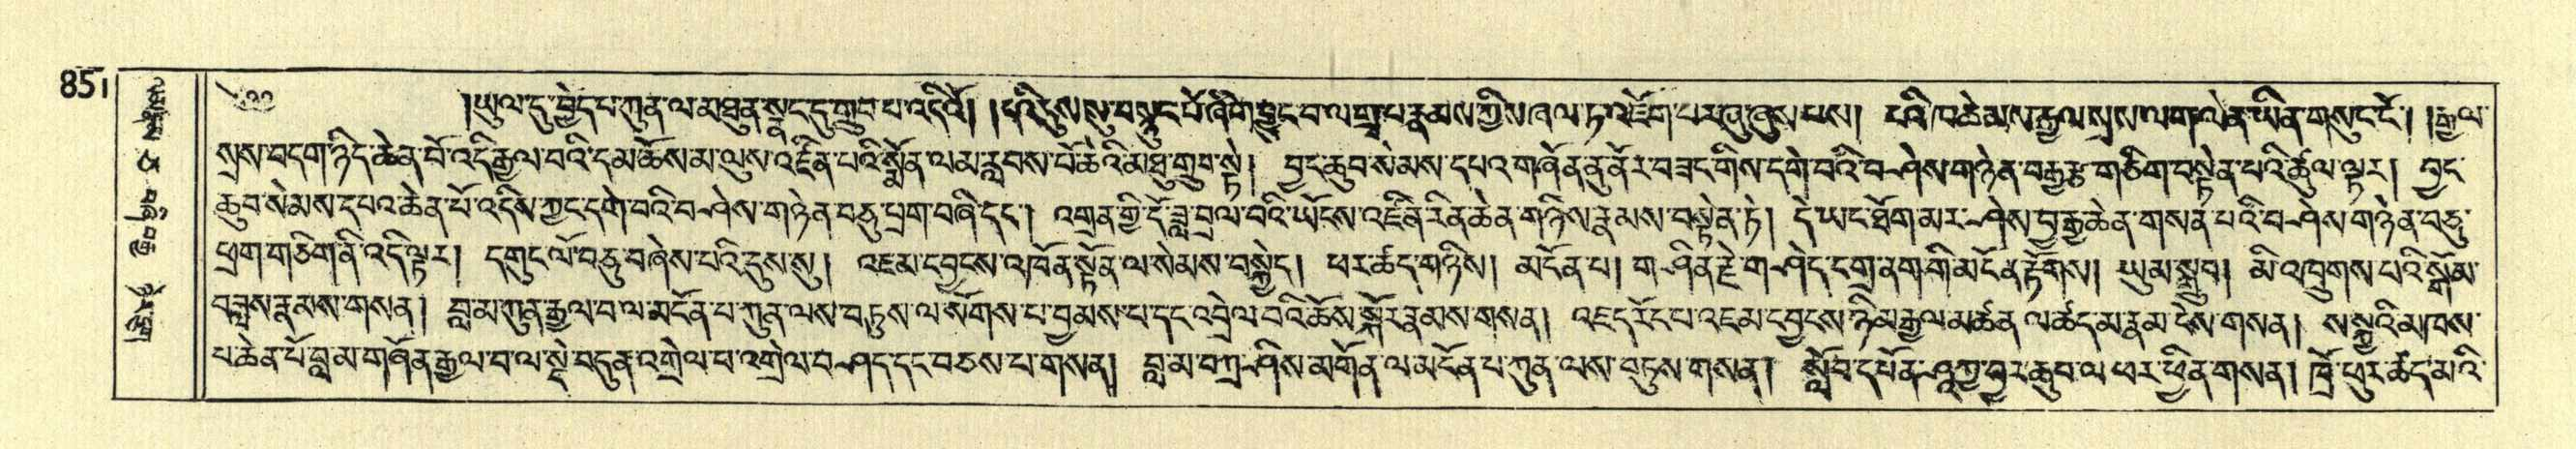༄༅། །ཡུལ་དུ་བྱེད་པ་ཀུན་ལ་མཐུན་སྣང་དུ་གྲུབ་པ་འདིའོ། །དའི་དུས་སུ་བསྙུང་པོ་ཞིག་བྱུང་བ་ལ་གྲྭ་པ་རྣམས་ཀྱིས་ཞལ་ཏ་འཇོག་པར་ཞུ་ཞུས་པས། ངའི་ཁ་ཆེམས་རྒྱལ་སྲས་ལག་ལེན་ཡིན་གསུང་ངོ། །རྒྱལ་
སྲས་བདག་ཉིད་ཆེན་པོ་འདི་རྒྱལ་བའི་དམ་ཆོས་མ་ལུས་འཛིན་པའི་སྨོན་ལམ་རླབས་པོ་ཆེའི་མཐུ་གྲུབ་སྟེ། བྱང་ཆུབ་སེམས་དཔའ་གཞོན་ནུ་ནོར་བཟང་གིས་དགེ་བའི་བཤེས་གཉེན་བརྒྱ་རྩ་གཅིག་བསྟེན་པའི་ཚུལ་ལྟར། བྱང་
ཆུབ་སེམས་དཔའ་ཆེན་པོ་འདིས་ཀྱང་དགེ་བའི་བཤེས་གཉེན་བཅུ་ཕྲག་བཞི་དང་། འགྲན་གྱི་དོ་ཟླ་བྲལ་བའི་ཡོངས་འཛིན་རིན་ཆེན་གཉིས་རྣམས་བསྟེན་ཏེ། དེ་ཡང་ཐོག་མར་ཤེས་བྱ་རྒྱ་ཆེན་གསན་པའི་བཤེས་གཉེན་བཅུ་
ཕྲག་གཅིག་ནི་འདི་ལྟར། དགུང་ལོ་བཅུ་བཞེས་པའི་དུས་སུ། འཇམ་དབྱངས་འཁོན་སྟོན་ལ་སེམས་བསྐྱེད། ཕར་ཚད་གཉིས། མངོན་པ། གཤིན་རྗེ་གཤེད་དགྲ་ནག་གི་མངོན་རྟོགས། ཡུམ་སྒྲུབ། མི་འཁྲུགས་པའི་སྒོམ་
བཟླས་རྣམས་གསན། བླ་མ་ཀུན་རྒྱལ་བ་ལ་མངོན་པ་ཀུན་ལས་བཏུས་ལ་སོགས་པ་བྱམས་པ་དང་འབྲེལ་བའི་ཆོས་སྐོར་རྣམས་གསན། འཇད་རོང་པ་འཇམ་དབྱངས་ཉི་མ་རྒྱལ་མཚན་ལ་ཚད་མ་རྣམ་ངེས་གསན། ས་སྐྱའི་མཁས་
པ་ཆེན་པོ་བླ་མ་གཞོན་རྒྱལ་བ་ལ་སྡེ་བདུན་འགྲེལ་པ་འགྲེལ་བཤད་དང་བཅས་པ་གསན། བླ་མ་བཀྲ་ཤིས་མགོན་ལ་མངོན་པ་ཀུན་ལས་བཏུས་གསན། སློབ་དཔོན་ཤཱཀྱ་བྱང་ཆུབ་ལ་ཕར་ཕྱིན་གསན། ཁྲོ་ཕུར་ཚད་མའི་